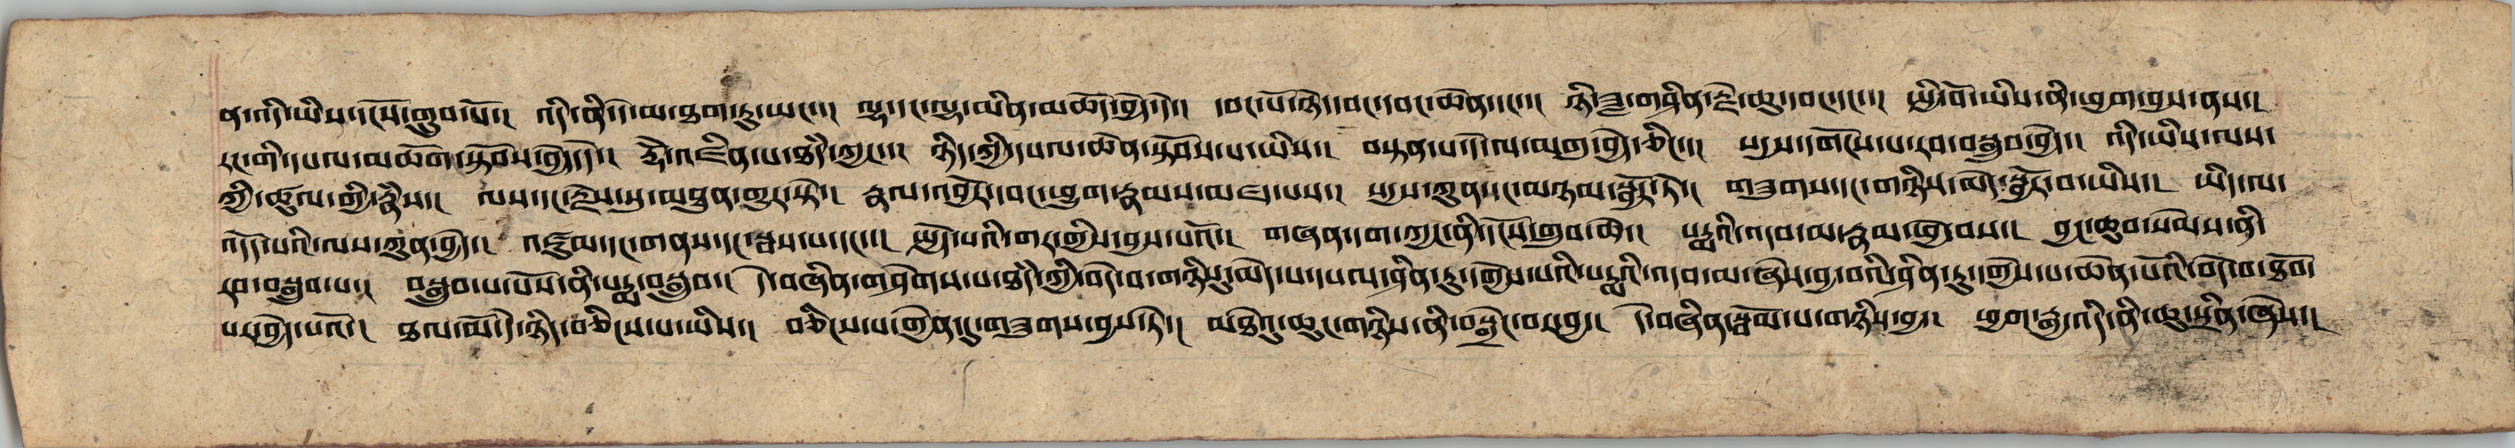ན་འདི་ཡིས་དངོས་གྲུབ་པོ་། འདི་ནི་དེ་མ་ཐག་ཏུ་ཡང་་། ལྷ་དང་ལྷ་མིན་མཆོད་བྱེད་དེ་། དབང་པོ་ཉེ་དབང་དབང་ཆེན་དང་་། ཉི་ཟླ་གཤིན་རྗེ་ཆུ་དབང་དང་་། སྤྱི་བོ་ཡིས་ནི་ཕྱག་བྱས་ནས་།
རང་གི་དཔལ་མཆོག་སྟོབས་བྱེད་དེ་། རྡོེ་འཛིན་པ་ཐཾད་ཀྱང་་། ཉིད་ཀྱི་དཔལ་ཆེན་སྟོབས་པ་ཡིས་། བསྟན་པ་དེ་ལ་མགུ་བྱེད་ཅིང་་། སདྱས་དགོངས་པ་རབ་བསྒྲུབ་བྱེད་། འདི་ཡིས་ལས་
ཀྱི་ཚུལ་གྱི་རྣཾས་། ལས་དང་རྗེས་སུ་མཐུན་གྱུར་སྟེ་། རྣལ་འབྱོར་དབང་ཕྱུག་རྣམས་མཛད་པས་། སདྱས་ཀུན་དང་མཉམ་སྦྱོར་ཏེ་། གཟུགས་དང་གཉིས་མེད་སྦྱོར་བ་ཡིས་། ཡིད་ལ་
འདོད་པའི་ལས་ཀུན་བྱེད་། འཛུམ་དང་གནས་དང་སྦས་པ་དང་་། སྤྱོད་པའི་གར་གྱིས་བྱས་པའོ་། གཞན་དག་ཀྱང་ནི་དངོས་གྲུབ་ཆེ་། པདྨའི་འདབ་མ་རྣམ་ཕྱེ་བས་། བྱང་ཆུབ་སེམས་ནི་
རབ་བསྒྲུབ་པ་། བསྒྲུབ་པ་པོས་ནི་པདྨ་བསྒྲུབ་། དེ་བཞིན་གཤེགས་པ་ཐཾད་ཀྱི་བདེ་བ་གཉིསུ་མེད་པ་དཔལ་ཤིན་ཏུ་དགྱེས་པའི་པདྨའི་འདབ་མ་ཞེས་བྱ་བའི་ཤིན་ཏུ་དགྱེས་པ་ཆེན་པོའི་བདེ་བ་ཐོབ་
པར་བྱེད་པའོ་། ཐལ་མོ་དེ་ཉིད་བཅིངས་པ་ཡིས་། བཅིངས་པ་གྱེན་དུ་གཟུགས་བྱས་ཏེ་། མཐེའུ་ཆུང་གཉིས་ནི་བསྒྲེང་བར་བྱ་། དེ་བཞིན་སྦོམ་པ་གཉིས་བྱ་། ཕྱག་རྒྱ་འདི་ནི་ཆུ་སྲིན་ཞེས་།